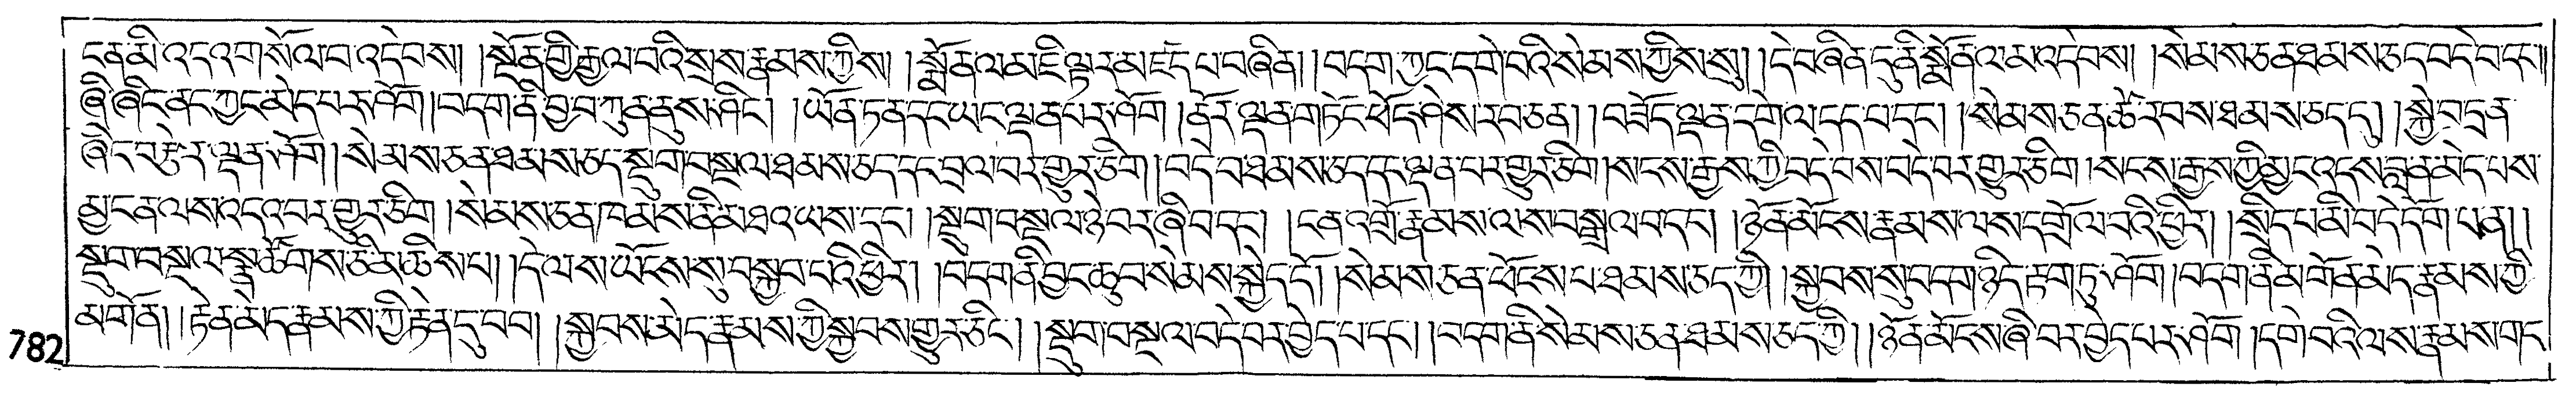ངན་མི་འདའ་གསོལ་བ་འདེབས། །སྔོན་གྱི་རྒྱལ་བའི་སྲས་རྣམས་ཀྱིས། །སྨོན་ལམ་ཇི་ལྟར་མཛད་པ་བཞིན། །བདག་ཀྱང་དགེ་བའི་སེམས་ཀྱིས་སུ། །དེ་བཞིན་དུ་ནི་སྨོན་ལམ་འདེབས། །སེམས་ཅན་ཐམས་ཅད་བདེ་བ་དང།།
ཞི་ཞིང་ནང་ཀྱང་མེད་པར་ཤོག །བདག་ནི་བྱ་བ་ཀུན་ནུས་ཤིང་། །ཡོན་ཏན་དང་ཡང་ལྡན་པར་ཤོག །ནོར་ལྡན་གཏོང་ཕོད་ཤེས་རབ་ཅན། །བཟོད་ལྡན་དགེ་ལ་དད་པ་དང་། །སེམས་ཅན་ཚེ་རབས་ཐམས་ཅད་དུ། །སྐྱེ་བ་དྲན་
ཞིང་བརྩེར་ལྡན་ཤོག །སེམས་ཅན་ཐམས་ཅད་སྡུག་བསྔལ་ཐམས་ཅད་དང་བྲལ་བར་གྱུར་ཅིག །བདེ་བ་ཐམས་ཅད་དང་ལྡན་པར་གྱུར་ཅིག །སངས་རྒྱས་ཀྱི་བདེ་བས་བདེ་བར་གྱུར་ཅིག །སངས་རྒྱས་ཀྱི་མྱང་འདས་བླ་ན་མེད་པས་
མྱ་ངན་ལས་འདའ་བར་གྱུར་ཅིག །སེམས་ཅན་ཁམས་ནི་མཐའ་ཡས་དང་། །སྡུག་བསྔལ་ཉེ་བར་ཞི་བ་དང་། །ངན་འགྲོ་རྣམས་ལས་བསྒྲལ་བ་དང་། །ཉོན་མོངས་རྣམས་ལས་དགྲོལ་བའི་ཕྱིར། །སྲིད་པ་མི་བདེ་དོག་པ་ན། །
སྡུག་བསྔལ་སྣ་ཚོགས་ཅི་མཆིས་པ། །དེ་ལས་ཡོངས་སུ་བསྐྱབ་པའི་ཕྱིར། །བདག་ནི་བྱང་ཆུབ་སེམས་སྐྱེད་དོ། །སེམས་ཅན་ཕོངས་པ་ཐམས་ཅད་ཀྱི། །སྐྱབས་སུ་བདག་ཉིད་རྟག་ཏུ་ཤོག །བདག་ནི་མགོན་མེད་རྣམས་ཀྱི་
མགོན། །རྟེན་མེད་རྣམས་ཀྱི་རྟེན་དུ་བབ། །སྐྱབས་མེད་རྣམས་ཀྱི་སྐྱབས་གྱུར་ཅིང་། །སྡུག་བསྔལ་བདེ་བར་བྱེད་པ་དང་། །བདག་ནི་སེམས་ཅན་ཐམས་ཅད་ཀྱི། །ཉོན་མོངས་ཞི་བར་བྱེད་པར་ཤོག །དགེ་བའི་ལས་རྣམས་གང་